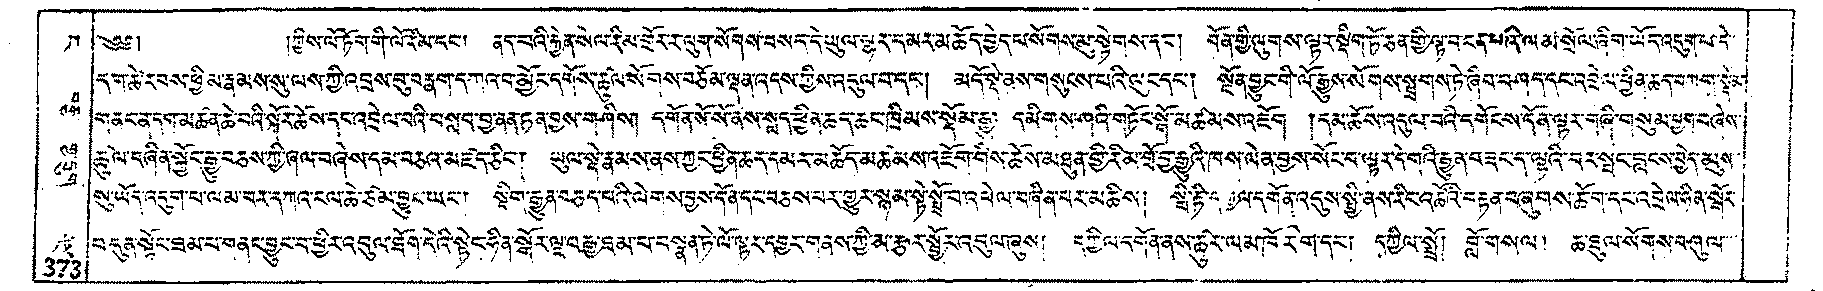༄༅། །ཀྱིས་ལོ་ཏོག་གི་ལོ་རིམ་དང་། ནད་པའི་རྐྱེན་སེལ་རིམ་གྲོར་ར་ལུག་སོགས་བསད་དེ་ཡུལ་ལྷར་དམར་མཆོད་བྱེད་པ་སོགས་མུ་སྟེགས་དང་། བོན་གྱི་ལུགས་ལྟར་སྡིག་ཏོ་ཅན་གྱི་ལྟ་བ་ངན་པའི་ལམ་སྲོལ་ཞིག་ཡོད་འདུག་པ་དེ་
དག་ཚེ་རབས་ཕྱི་མ་རྣམས་སུ་ལས་ཀྱི་འབྲས་བུ་བརྣག་དཀའ་བ་མྱོང་དགོས་ཚུལ་སོགས་བཅོམ་ལྡན་འདས་ཀྱིས་འདུལ་བ་དང་། མདོ་སྡེ་ནས་གསུངས་པའི་ལུང་དང་། སྔོན་བྱུང་གི་ལོ་རྒྱུས་སོགས་སྦྲགས་ཏེ་ཞིབ་བཤད་དང་འབྲེལ་ཕྱིན་ཆད་བཀག་སྡོམ་
གནང་ན་དག་མཚན་ཆེ་བའི་སྐོར་ཆོས་དང་འབྲེལ་བའི་བསླབ་བྱ་ནན་ཏན་བྱས་གཤིས། དགོན་སོ་སོ་ནས་སླད་ཕྱིན་ཆད་ཆང་ཁྲིམས་སྡོམ་རྒྱུ། དམིགས་ཤའི་གཏོང་སྒོ་མཚམས་འཇོག །དམ་ཆོས་འདུལ་བའི་དགོངས་དོན་ལྟར་གཞི་གསུམ་ཕྱག་བཞེས་
ཚུལ་བཞིན་སྐྱོང་རྒྱུ་བཅས་ཀྱི་ཞལ་བཞེས་དམ་བཅའ་མཛད་ཅིང་། ཡུལ་སྡེ་རྣམས་ནས་ཀྱང་ཕྱིན་ཆད་དམར་མཆོད་མཚམས་འཇོག་གིས་ཆོས་མཐུན་གྱི་རིམ་གྲོ་བྱ་རྒྱུའི་ཁས་ལེན་བྱས་སོང་བ་ལྟར་དེ་གའི་རྒྱུན་བཟང་ད་ལྟའི་བར་སྤང་བླངས་བྱེད་མུས་
སུ་ཡོད་འདུག་པ་ལམ་བར་དཀའ་ངལ་ཆེ་ཙམ་བྱུང་ཡང་། སྡིག་རྒྱུན་བཅད་པའི་ལེགས་བྱས་དོན་དང་བཅས་པར་གྱུར་སྙམ་སྟེ་སྤྲོ་བ་འཕེལ་བཞིན་པར་མཆིས། སྤི་རྟི་དཀྱིལ་དགོན་འདུས་སྤྱི་ནས་རིང་འཚོའི་བརྟན་བཞུགས་ཆོ་ག་དང་འབྲེལ་ཧིན་སྒོར་
བདུན་སྟོང་ཐམ་པ་གནང་བྱུང་བ་ཕྱིར་འབུལ་ཐོག་དེའི་སྟེང་ཧིན་སྒོར་ལྔ་བརྒྱ་ཐམ་པ་བསྣན་ཏེ་ལོ་ལྟར་དབྱར་གནས་ཀྱི་མ་རྩར་སྦྱོར་འབུལ་ཞུས། དཀྱིལ་དགོན་ནས་ཚུར་ལམ་ཁོ་རིག་དང་། དཀྱིལ་སྤྲོ། བློ་གསལ། ཆ་ཐུལ་སོགས་བཤུལ་